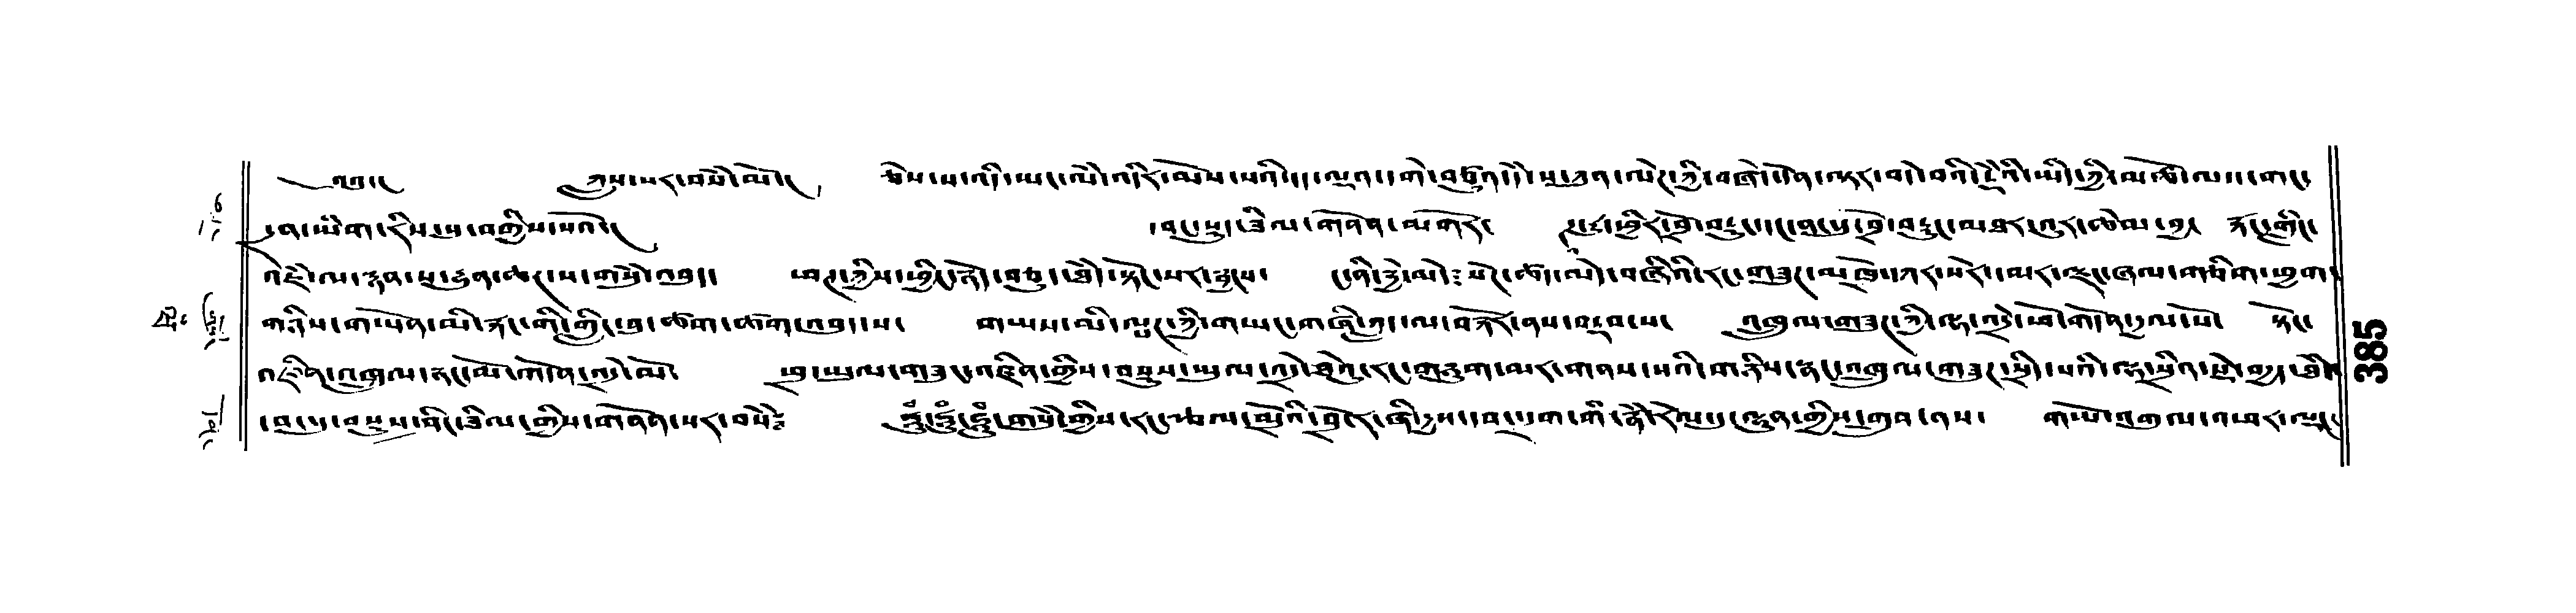ཀླས་པར་བསམ་མོ། ཅེས་པ་འདི་ཡང་ལམ་འདིར་མོས་པའི་དད་ལྡན་དགེ་བཙུན་དམ་པ་ཀུན་ལེགས་ཀྱི་བཞེད་དོན་ལྟར་བདེ་བའི་རྡོ་རྗེའི་ཡིད་ཀྱི་མཚོ་ལས་གང་
དྲན་ཡིག་རིས་སུ་བགྱིས་པའོ།། དབང་སྡུད་ཟིལ་གནོན་མགོར། ཌཱ་རུ་ཕྱིར་བྲོ་བརྡུང་དང་ནང་དུ་བྲོ་བརྡུང་མཐར་འུར་ཆེམ་བྱ། རྐང་གླིང་
འཇམ་ལ་སྙན་པ་རྒྱུན་ཆགས་པ་གསུམ་འབུད། ཕཊ་ཀྱིས་ཕྱི་ནང་སྣོད་བཅུད་ཐམས་ཅད་སྟོང་པར་སྦྱངས། ང་ནི་སྐྱེ་མེད༴སོགས་ཚད་མེད་བཞིའི་རང་གཟུགས་མཁའ་འགྲོ་དཀར་སེར་དམར་ལྗང་ཞལ་གཅིག་ཕྱག་
གཉིས་གཡོན་མི་རྐང་གི་གླིང་བུ་ཚག་ཚག་འབུད་པ། གཡས་མི་ལྤགས་ཀྱི་གཡང་གཞི་ཀླད་ལ་བསྐོར་ནས་བརྡབ་པ། འཁྲུལ་གཟུགས་ཀྱི་ལྷ་འདྲེ་ཕོ་གདོན་རྒྱལ་པོ། སྟོང་
འཛིན་འཁྲུལ་སྣང་མོ་གདོན་འདྲེ་མོ། ཕྲ་ཡུལ་གཟུང་འཛིན་གྱིས་བསྡུས་ཡུལ་འདྲེ་ཐེའུ་རང་གཉུག་མར་གནས་པའི་གཉིས་སྣང་འཁྲུལ་གཟུགས་སྲིད་པའི་ལྷ་སྲིན་སྡེ་བརྒྱད་ཐམས་ཅད་
དབང་དུ་བསྡུས་ཤིང་ཟིལ་གྱིས་གནོན་པར་བསམ། ཧཱུྃ་ཧཱུྃ་ཧཱུྃ་གསུམ་གྱིས་རང་རྩལ་མཁའ་འགྲོའི་བྲོ་ར་ཞི་རྒྱས་དབང་དྲག་གི་རྣམ་རོལ་དུ་ལྷུན་གྱིས་གྲུབ་ནས། གཡོ་འགུལ་འཕར་ལྡང་